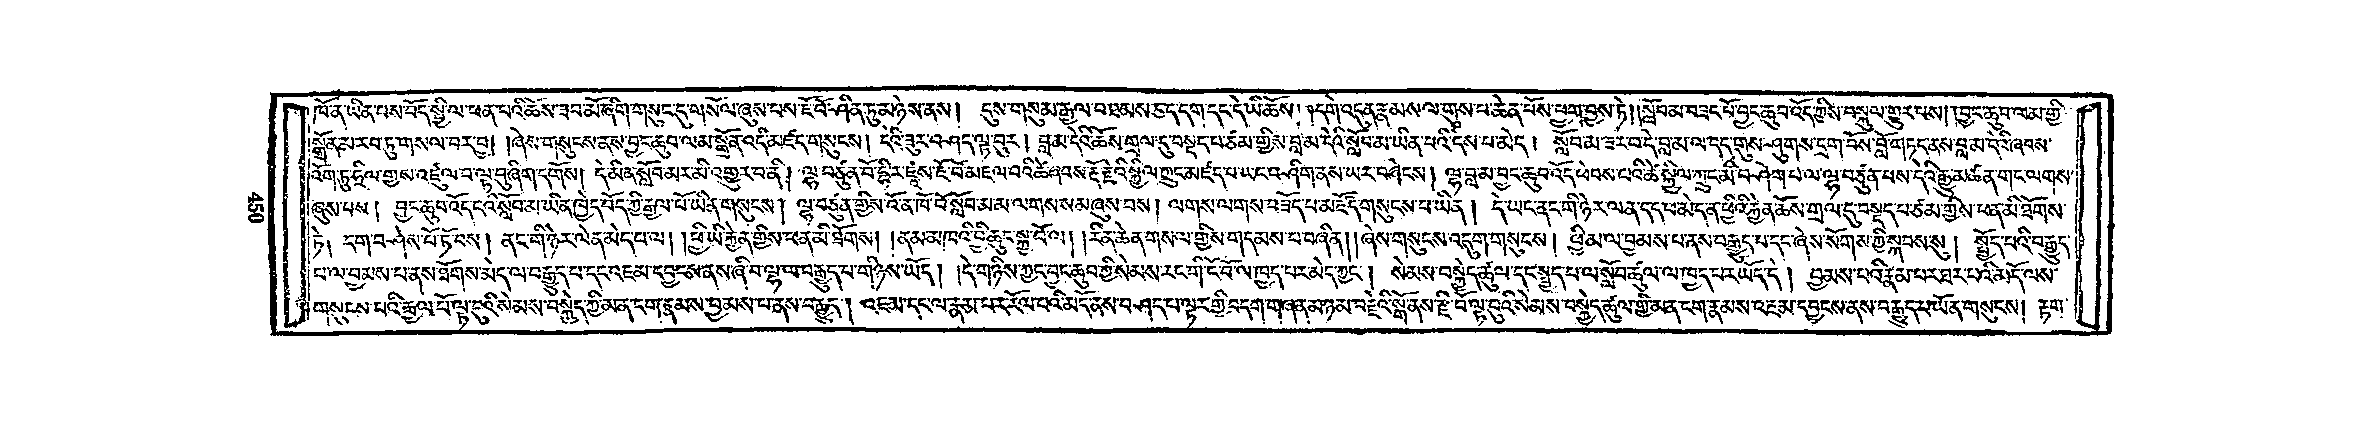ཁོ་ན་ཡིན་པས་བོད་སྤྱི་ལ་ཕན་པའི་ཆོས་ཟབ་མོ་ཞིག་གསུང་དུ་གསོལ་ཞུས་པས་ཇོ་བོ་ཤིན་ཏུ་མཉེས་ནས། དུས་གསུམ་རྒྱལ་བ་ཐམས་ཅད་དག་དང་དེ་ཡི་ཆོས། །དགེ་འདུན་རྣམས་ལ་གུས་པ་ཆེན་པོས་ཕྱག་བྱས་ཏེ། །སློབ་མ་བཟང་པོ་བྱང་ཆུབ་འོད་ཀྱིས་བསྐུལ་གྱུར་པས། །བྱང་ཆུབ་ལམ་གྱི་
སྒྲོན་མ་རབ་ཏུ་གསལ་བར་བྱ། །ཞེས་གསུངས་ནས་བྱང་ཆུབ་ལམ་སྒྲོན་འདི་མཛད་གསུངས། དེའི་ཟུར་བཤད་ལྟ་བུར། བླ་མ་དེའི་ཆོས་གྲལ་དུ་བསྡད་པ་ཙམ་གྱིས་བླ་མ་དེའི་སློབ་མ་ཡིན་པའི་དེས་པ་མེད། སློབ་མ་ཟར་བ་དེ་བླ་མ་ལ་དད་གུས་ཤུགས་དྲག་བོས་བློ་གཏད་ནས་བླ་མ་དེའི་ཞབས་
འོག་ཏུ་ཧྲིལ་གྱས་འཛུལ་བ་ལྟ་བུ་ཞིག་དགོས། དེ་མིན་སློབ་མར་མི་འགྱུར་བ་ནི། ལྷ་བཙུན་བོ་དྷི་ར་ཛཱས་ཇོ་བོ་མཇལ་བའི་ཚེ་ཞབས་རྡོ་རྗེའི་སྐྱིལ་ཀྲུང་མཛད་པ་ཡང་བཤིག་ནས་ཡར་བཞེངས། ལྷ་བླ་མ་བྱང་ཆུབ་འོད་ཕེབས་པའི་ཚེ་སྐྱིལ་ཀྲུང་མི་བཤེག་པ་ལ་ལྷ་བཙུན་པས་དེའི་རྒྱུ་མཚན་གང་ལགས་
ཞུས་པས། བྱང་ཆུབ་འོད་ངའི་སློབ་མ་ཡིན་ཁྱེད་བོད་ཀྱི་རྒྱལ་པོ་ཡིན་གསུངས། ལྷ་བཙུན་གྱིས་འོ་ན་ཁོ་བོ་སློབ་མ་མ་ལགས་སམ་ཞུས་པས། ལགས་ལགས་བཟོད་པ་མཛོད་གསུངས་པ་ཡིན། དེ་ཡང་ནང་གི་ཉེར་ལན་དད་པ་མེད་ན་ཕྱིའི་རྐྱེན་ཆོས་གྲལ་དུ་བསྡད་པ་ཙམ་གྱིས་ཕན་མི་ཐོགས་
ཏེ། དག་བཤེས་པོ་ཏོ་བས། ནང་གི་ཉེར་ལེན་མེད་པ་ལ། །ཕྱི་ཡི་རྐྱེན་གྱིས་ཕན་མི་ཐོགས། །ནམ་མཁའི་བྱི་ཆུང་སྐྱ་བོ་ལ། །རིན་ཆེན་གསལ་གྱིས་གདམས་པ་བཞིན། །ཞེས་གསུངས་འདུག་གསུངས། ཕྱི་མ་ལ་བྱམས་པ་ནས་བརྒྱུད་པ་དང་ཞེས་སོགས་ཀྱི་སྐབས་སུ། སྤྱོད་པའི་བརྒྱུད་
པ་ལ་བྱམས་པ་ནས་ཐོགས་མེད་ལ་བརྒྱུད་པ་དང་འཇམ་དབྱངས་ནས་ཞི་བ་ལྷ་ལ་བརྒྱུད་པ་གཉིས་ཡོད། །དེ་གཉིས་ཀྱང་བྱང་ཆུབ་ཀྱི་སེམས་རང་གི་ངོ་བོ་ལ་ཁྱད་པར་མེད་ཀྱང་། སེམས་བསྐྱེད་ཚུལ་དང་སྤྱད་པ་ལ་སློབ་ཚུལ་ལ་ཁྱད་པར་ཡོད་དེ། བྱམས་པའི་རྣམ་པར་ཐར་པའི་མདོ་ལས་
གསུངས་པའི་རྒྱལ་པོ་ལྟ་བུའི་སེམས་བསྐྱེད་ཀྱི་མན་ངག་རྣམས་བྱམས་པ་ནས་བརྒྱུད། འཇམ་དང་ལ་རྣམ་པར་རོལ་པའི་མདོ་ནས་བཤད་པ་ལྟར་གྱི་བདག་གཞན་མཉམ་བརྗེའི་སྒོ་ནས་རྫི་བོ་ལྟ་བུའི་སེམས་བསྐྱེད་ཚུལ་གྱི་མན་ངག་རྣམས་འཇམ་དབྱངས་ནས་བརྒྱུད་པ་ཡོན་གསུངས། རྟག་